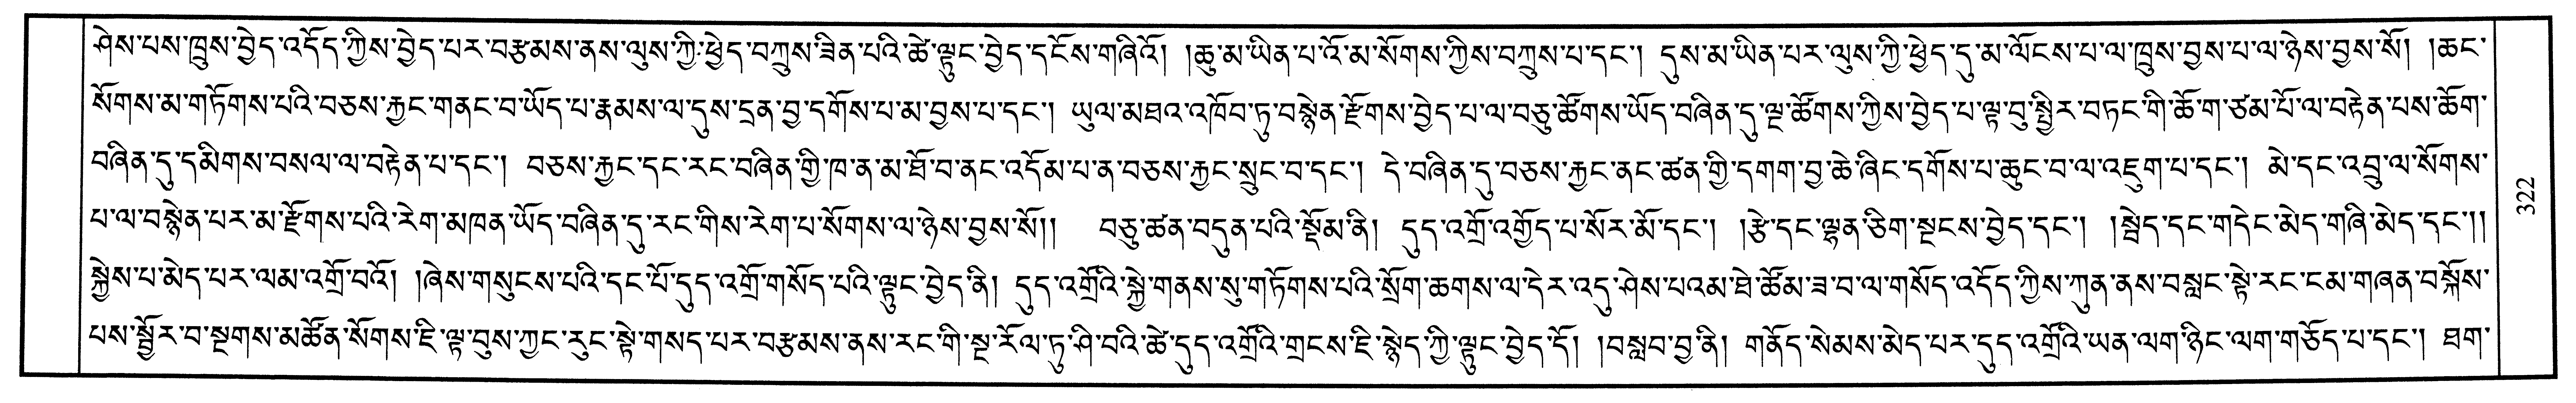ཤེས་པས་ཁྲུས་བྱེད་འདོད་ཀྱིས་བྱེད་པར་བརྩམས་ནས་ལུས་ཀྱི་ཕྱེད་བཀྲུས་ཟིན་པའི་ཚེ་ལྟུང་བྱེད་དངོས་གཞིའོ། །ཆུ་མ་ཡིན་པ་འོ་མ་སོགས་ཀྱིས་བཀྲུས་པ་དང་། དུས་མ་ཡིན་པར་ལུས་ཀྱི་ཕྱེད་དུ་མ་ལོངས་པ་ལ་ཁྲུས་བྱས་པ་ལ་ཉེས་བྱས་སོ། །ཆང་
སོགས་མ་གཏོགས་པའི་བཅས་རྐྱང་གནང་བ་ཡོད་པ་རྣམས་ལ་དུས་དྲན་བྱ་དགོས་པ་མ་བྱས་པ་དང་། ཡུལ་མཐའ་འཁོབ་ཏུ་བསྙེན་རྫོགས་བྱེད་པ་ལ་བཅུ་ཚོགས་ཡོད་བཞིན་དུ་ལྔ་ཚོགས་ཀྱིས་བྱེད་པ་ལྟ་བུ་སྤྱིར་བཏང་གི་ཆོ་ག་ཙམ་པོ་ལ་བརྟེན་པས་ཆོག་
བཞིན་དུ་དམིགས་བསལ་ལ་བརྟེན་པ་དང་། བཅས་རྐྱང་དང་རང་བཞིན་གྱི་ཁ་ན་མ་ཐོ་བ་ནང་འདོམ་པ་ན་བཅས་རྐྱང་སྲུང་བ་དང་། དེ་བཞིན་དུ་བཅས་རྐྱང་ནང་ཚན་གྱི་དགག་བྱ་ཆེ་ཞིང་དགོས་པ་ཆུང་བ་ལ་འཇུག་པ་དང་། མེ་དང་འབྲུ་ལ་སོགས་
པ་ལ་བསྙེན་པར་མ་རྫོགས་པའི་རེག་མཁན་ཡོད་བཞིན་དུ་རང་གིས་རེག་པ་སོགས་ལ་ཉེས་བྱས་སོ།། བཅུ་ཚན་བདུན་པའི་སྡོམ་ནི། དུད་འགྲོ་འགྱོད་པ་སོར་མོ་དང་། །རྩེ་དང་ལྷན་ཅིག་སྔངས་བྱེད་དང་། །སྦེད་དང་གདེང་མེད་གཞི་མེད་དང།།
སྐྱེས་པ་མེད་པར་ལམ་འགྲོ་བའོ། །ཞེས་གསུངས་པའི་དང་པོ་དུད་འགྲོ་གསོད་པའི་ལྟུང་བྱེད་ནི། དུད་འགྲོའི་སྐྱེ་གནས་སུ་གཏོགས་པའི་སྲོག་ཆགས་ལ་དེར་འདུ་ཤེས་པའམ་ཐེ་ཚོམ་ཟ་བ་ལ་གསོད་འདོད་ཀྱིས་ཀུན་ནས་བསླང་སྟེ་རང་ངམ་གཞན་བསྐོས་
པས་སྦྱོར་བ་སྔགས་མཚོན་སོགས་ཇི་ལྟ་བུས་ཀྱང་རུང་སྟེ་གསད་པར་བརྩམས་ནས་རང་གི་སྔ་རོལ་ཏུ་ཤི་བའི་ཚེ་དུད་འགྲོའི་གྲངས་ཇི་སྙེད་ཀྱི་ལྟུང་བྱེད་དོ། །བསླབ་བྱ་ནི། གནོད་སེམས་མེད་པར་དུད་འགྲོའི་ཡན་ལག་ཉིང་ལག་གཅོད་པ་དང་། ཐག་